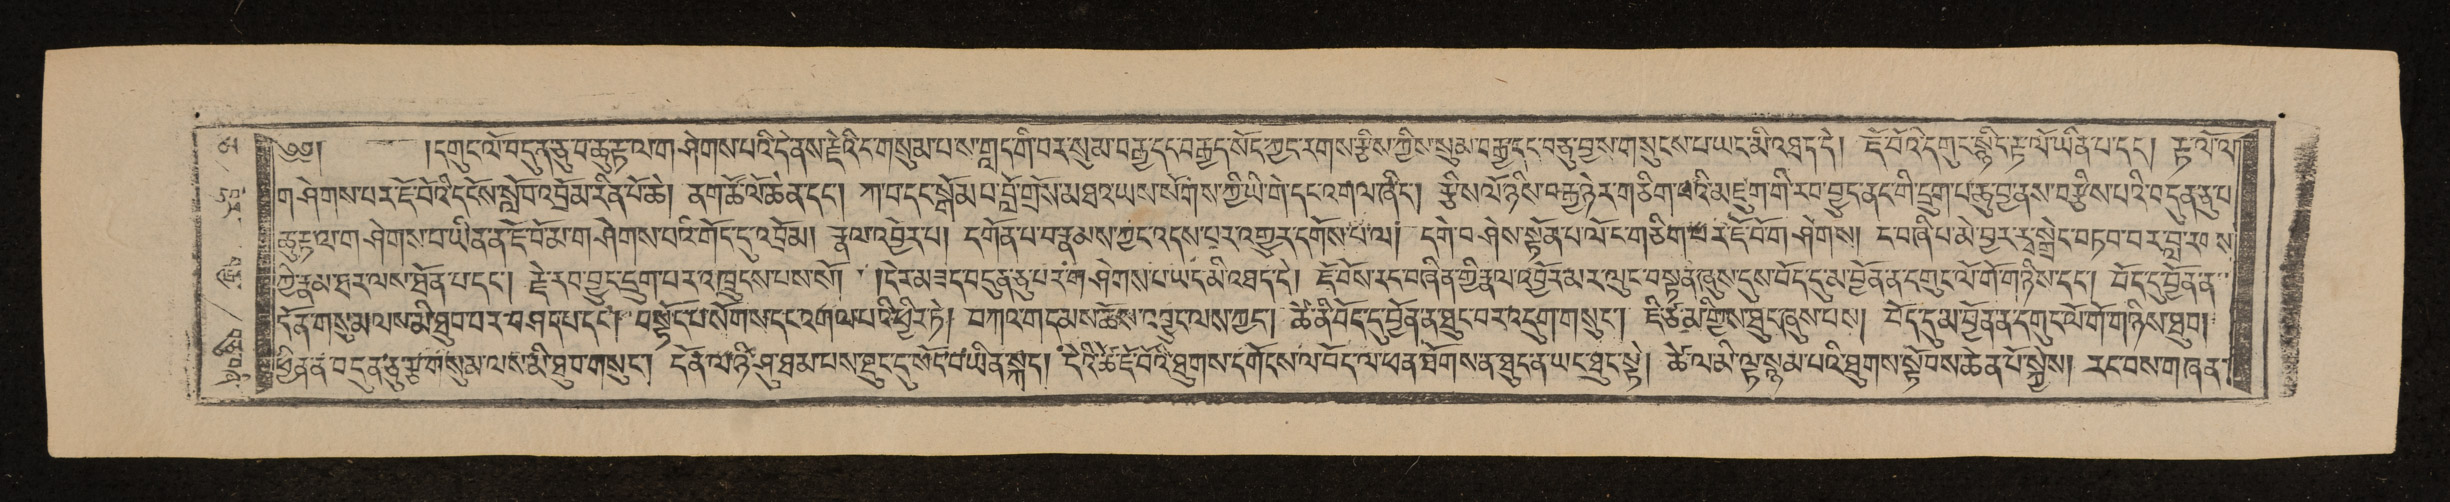༄༅། །དགུང་ལོ་བདུན་ཅུ་པ་ཆུ་རྟ་ལ་གཤེགས་པའི་དེ་ནས་རྗེའི་ང་གསུམ་པ་ས་གླང་གི་བར་སུམ་བརྒྱ་དང་བརྒྱད་སོང་ཀྱང་རགས་རྩིས་ཀྱིས་སུམ་བརྒྱ་དང་བཅུ་བྱས་གསུངས་པ་ཡང་མི་འཐད་དེ། ཇོ་བོའི་དགུང་སྙིང་རྟ་ལོ་ཡིན་པ་དང་། རྟ་ལོ་ལ་
གཤེགས་པར་ཇོ་བོའི་དངོས་སློབ་འབྲོམ་རིན་པོ་ཆེ། ནག་ཚོ་ལོ་ཆེན་དང་། ཀ་བ་དང་སྒོམ་པ་བློ་གྲོས་མཐའ་ཡས་སོགས་ཀྱི་ཡི་གེ་དང་འགལ་ཞིང་། རྩིས་ལོ་ཉིས་བརྒྱ་ཉེར་གཅིག་པའི་མཇུག་གི་རབ་བྱུང་ནང་གི་དྲུག་པ་ཆུ་བྱ་ནས་བརྩིས་པའི་བདུན་ཅུ་པ་
ཆུ་རྟ་ལ་གཤེགས་པ་ཡིན་ན་ཇོ་བོ་མ་གཤེགས་པའི་གོང་དུ་འབྲོམ། རྣལ་འབྱོར་པ། དགོན་པ་བ་རྣམས་ཀྱང་འདས་པར་འགྱུར་དགོས་པ་ལ། དགེ་བཤེས་སྟོན་པ་ལོང་གཅིག་པར་ཇོ་བོ་གཤེགས། ང་བཞི་པ་མེ་བྱར་རྭ་སྒྲེང་བཏབ་པར་བླ་རབས་
ཀྱི་རྣམ་ཐར་ལས་ཐོན་པ་དང་། རྗེ་རབ་བྱུང་དྲུག་པར་འཁྲུངས་པས་སོ། །དེར་མ་ཟད་བདུན་ཅུ་པར་གཤེགས་པ་ཡང་མི་འཐད་དེ། ཇོ་བོས་རང་བཞིན་གྱི་རྣལ་འབྱོར་མར་ལུང་བསྟན་ཞུས་དུས་བོད་དུ་མ་བྱོན་ན་དགུང་ལོ་གོ་གཉིས་དང་། བོད་དུ་བྱོན་ན་
དོན་གསུམ་ལས་མི་ཐུབ་པར་བཤད་པ་དང་། བསྟོད་པ་སོགས་དང་འགལ་པའི་ཕྱིར་ཏེ། བཀའ་གདམས་ཆོས་འབྱུང་ལས་ཀྱང་། ཚེ་ནི་འོད་དུ་བྱོན་ན་ཐུང་བར་འདུག་གསུང་། ཇི་ཙམ་གྱིས་ཐུང་ཞུས་པས། བོད་དུ་མ་བྱོན་ན་དགུང་ལོ་གོ་གཉིས་ཐུབ།
ཕྱིན་ན་བདུན་ཅུ་རྩ་གསུམ་ལས་མི་ཐུབ་གསུང་། དོན་ལ་ཉི་ཤུ་ཐམ་པས་ཐུང་དུ་སོང་བ་ཡིན་སྐད། དེའི་ཚེ་ཇོ་བོའི་ཐུགས་དགོངས་ལ་བོད་ལ་ཕན་ཐོགས་ན་ཐུང་ན་ཡང་ཐུང་སྟེ། ཚེ་ལ་མི་ལྟ་སྙམ་པའི་ཐུགས་སྟོབས་ཆེན་པོ་སྐྱེས། རང་བས་གཞན་